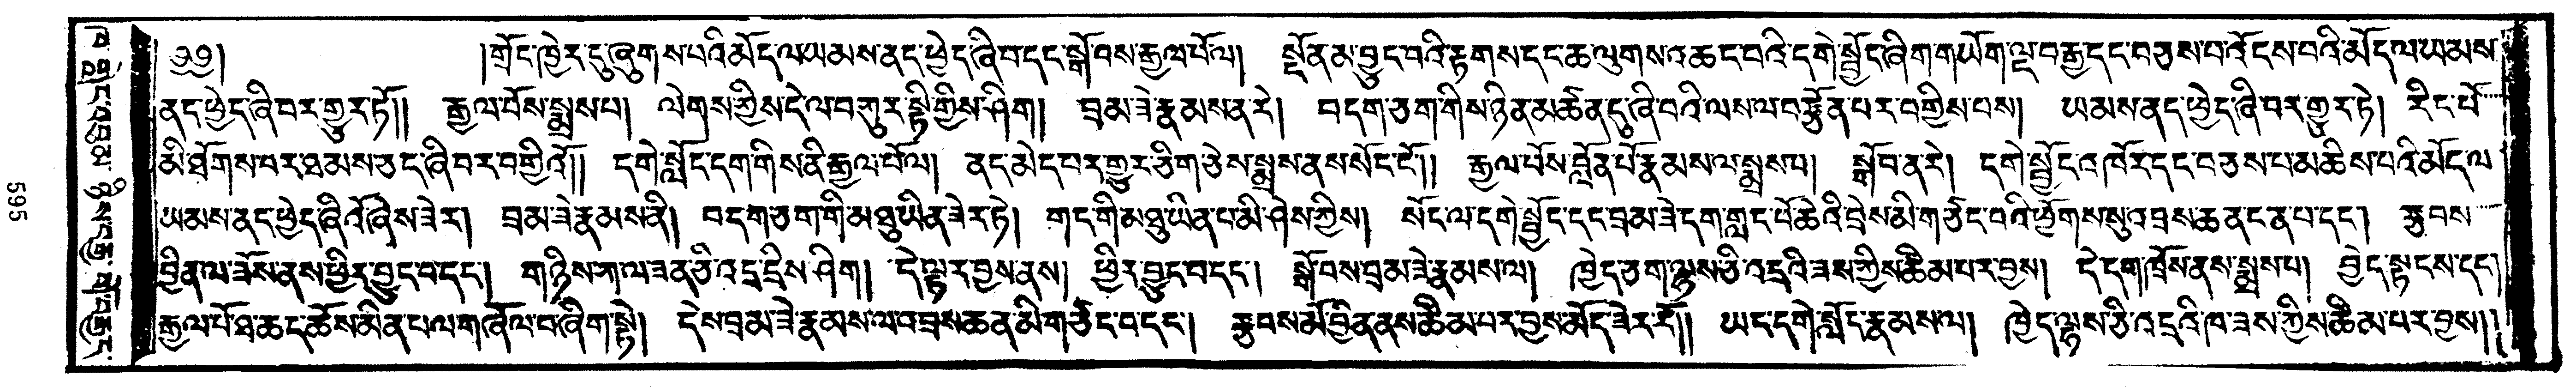༄༅། །གྲོང་ཁྱེར་དུ་ཞུགས་པའི་མོད་ལ་ཡམས་ནད་ཕྱེད་ཞི་བ་དང་སྒོ་བས་རྒྱལ་པོ་ལ། སྔོན་མ་བྱུང་བའི་རྟགས་དང་ཆ་ལུགས་འཆང་བའི་དགེ་སྦྱོང་ཞིག་གཡོག་ལྔ་བརྒྱ་དང་བཅས་པ་འོངས་པའི་མོད་ལ་ཡམས་
ནད་ཕྱེད་ཞི་བར་གྱུར་ཏོ།། རྒྱལ་པོས་སྨྲས་པ། ལེགས་ཀྱིས་དེ་ལ་བཀུར་སྟི་གྱིས་ཤིག། བྲམ་ཟེ་རྣམས་ན་རེ། བདག་ཅག་གིས་ཉིན་མཚན་དུ་ཞི་བའི་ལས་ལ་བརྩོན་པར་བགྱིས་པས། ཡམས་ནད་ཕྱེད་ཞི་བར་གྱུར་ཏེ། རིང་པོ་
མི་ཐོགས་བར་ཐམས་ཅད་ཞི་བར་བགྱིའོ།། དགེ་སློང་དག་གིས་ནི་རྒྱལ་པོ་ལ། ནད་མེད་པར་གྱུར་ཅིག་ཅེས་སྨྲས་ནས་སོང་ངོ།། རྒྱལ་པོས་བློན་པོ་རྣམས་ལ་སྨྲས་པ། སྒོབ་ན་རེ། དགེ་སྦྱོང་འཁོར་དང་བཅས་པ་མཆིས་པའི་མདོ་ལ་
ཡམས་ནད་ཕྱེད་ཞིའོ་ཞེས་ཟེར། བྲམ་ཟེ་རྣམས་ནི། བདག་ཅག་གི་མཐུ་ཡིན་ཟེར་ཏེ། གང་གི་མཐུ་ཡིན་པ་མི་ཤེས་ཀྱིས། སོང་ལ་དགེ་སྦྱོང་དང་བྲམ་ཟེ་དག་གླང་པོ་ཆེའི་བྲེས་མི་གཙང་བའི་ཕྱོགས་སུ་འབྲས་ཆ་ནང་ན་པ་དང་། རྩབས་
བྱིན་ལ་ཟོས་ནས་ཕྱིར་བྱུང་བ་དང་། གཉིས་ཀ་ལ་ཟན་ཅི་འདྲ་དྲིས་ཤིག། དེ་ལྟར་བྱས་ནས། ཕྱིར་བྱུང་བ་དང་། སྒོ་བས་བྲམ་ཟེ་རྣམས་ལ། ཁྱེད་ཅག་ལྷས་ཅི་འདྲའི་ཟས་ཀྱིས་ཚིམ་པར་བྱས། དེ་དག་ཁྲོས་ནས་སྨྲས་པ། བྱེད་སྟངས་དང་།
རྒྱལ་པོ་ཐ་ཆད་ཆོས་མིན་པལ་གཞོལ་བ་ཞིག་སྟེ། དེས་བྲམ་ཟེ་རྣམས་ལ་འབྲས་ཆན་མི་གཙང་བ་དང་། རྩབས་མོ་བྱིན་ནས་ཆིམ་པར་བྱས་མོད་ཟེར་རོ།། ཡང་དགེ་སློང་རྣམས་ལ། ཁྱེད་ལྷས་ཅི་འདྲའི་ཁ་ཟས་ཀྱིས་ཆིམ་པར་བྱས།།